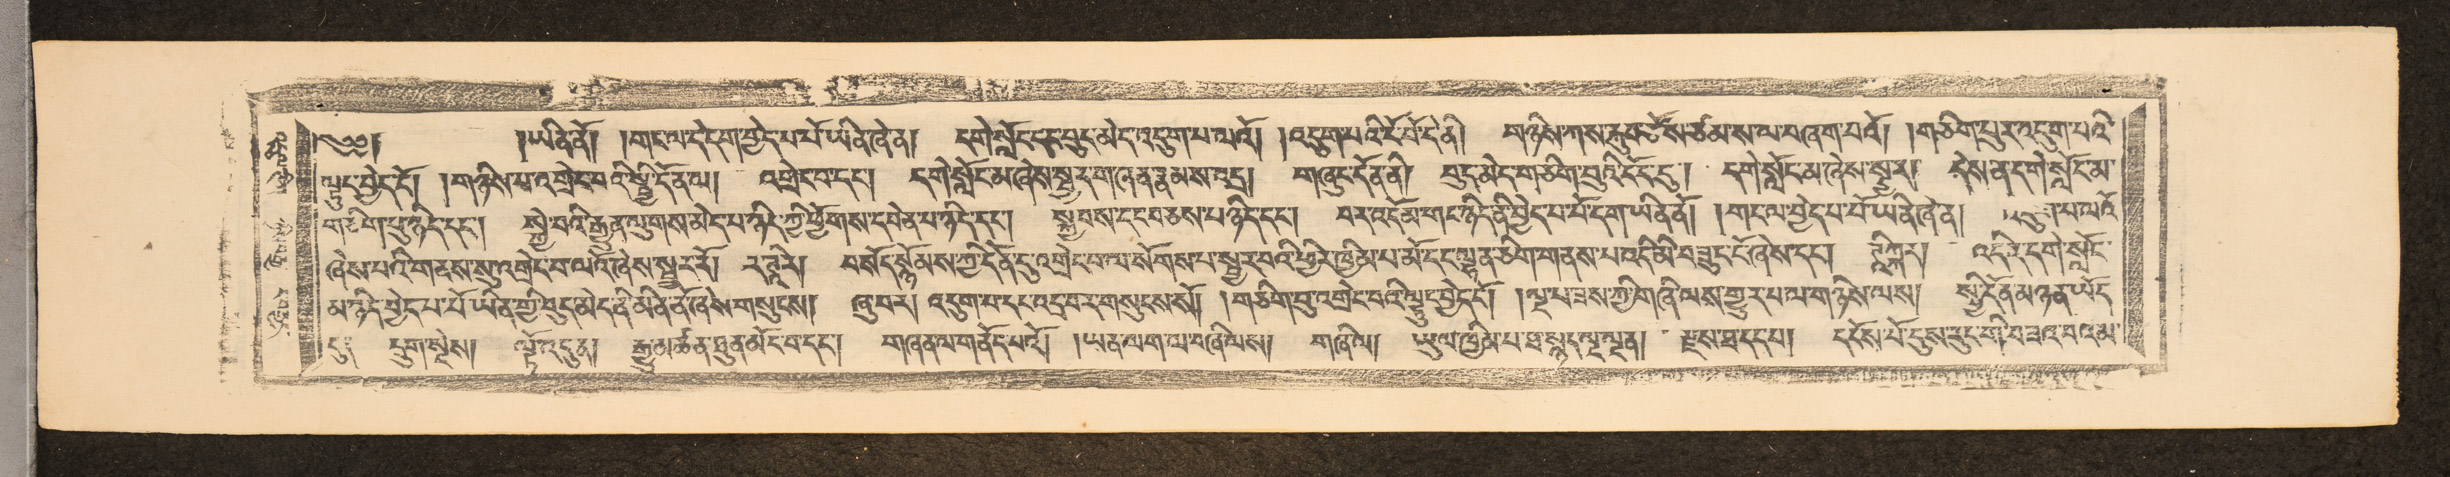༄༅། །ཡིན་ནོ། །གང་ལ་དེ་དག་བྱེད་པ་པོ་ཡིན་ཞེ་ན། དགེ་སློང་དང་བུད་མེད་འདུག་པ་ལའོ། །འདུག་པའི་ངོ་བོ་དེ་ནི། གཉིས་ཀས་རྐུབ་ཅོས་ཙམས་ལ་བཞག་པའོ། །གཅིག་པུར་འདུག་པའི་
ལྟུང་བྱེད་དོ། །གཉིས་པ་འགྲེང་བའི་སྦྱི་དོན་ལ། འགྲེང་བ་དང་། དགེ་སློང་མ་ཞེས་སྦྱར་གཞན་རྣམས་འདྲ། གཞུང་དོན་ནི། བུད་མེད་གཅིག་པུའི་དོད་དུ། དགེ་སློང་མ་ཞེས་སྦྱར། དེས་ན་དགེ་སློང་མ་
གཅིག་པུ་ཉིད་དང་། སྐྱེ་བའི་རྒྱུན་ལུགས་མེད་པ་ཉིད་ཀྱི་ཕྱོགས་དབེན་པ་ཉིད་དང་། སྐྱབས་དང་བཅས་པ་ཉིད་དང་། བར་འདོམ་གང་ཉིད་ནི་བྱེད་པ་པོ་དག་ཡིན་ནོ། །གང་ལ་བྱེད་པ་པོ་ཡིན་ཞེ་ན། འདུག་པ་ལའོ་
ཞེས་པའི་གནས་སུ་འགྲེང་པ་ལའོ་ཞེས་སྦྱར་རོ། ར་ཊཱིར། བསོད་སྙོམས་ཀྱི་དོན་དུ་འགྲེང་བ་ལ་སོགས་པ་སྦྱར་བའི་ཕྱིར་ཁྱིམ་པ་མོ་དང་ལྷན་ཅིག་གནས་པ་འདི་མི་བཟུང་ངོ་ཞེས་དང་། ཊཱིཀྐར། འདིར་དགེ་སློང་
མ་ཉིད་བྱེད་པ་པོ་ཡིན་གྱི་བུད་མེད་ནི་མིན་ནོ་ཞེས་གསུངས། ཞུ་བར། འདུག་པ་དང་འདྲ་བར་གསུངས་སོ། །གཅིག་པུ་འགྲེང་བའི་ལྟུང་བྱེད་དོ། །ལྔ་པ་ཟས་ཀྱི་གཞི་ལས་གྱུར་བ་ལ་གཉིས་ལས། སྤྱི་དོན་མཉན་ཡོད་
དུ། དྲུག་སྡེས། ལྟོ་འདུན། རྒྱུ་མཚན་ཐུན་མོང་བ་དང་། གཞན་ལ་གནོད་པའོ། །ཡན་ལག་ལ་བཞི་ལས། གཞི་ལ། ཡུལ་ཁྱིམ་པ་ཐ་སྙད་ལྔ་ལྡན། རྫས་ཐ་དད་པ། དངོས་པོ་དུས་རུང་གི་བཟའ་བའམ་